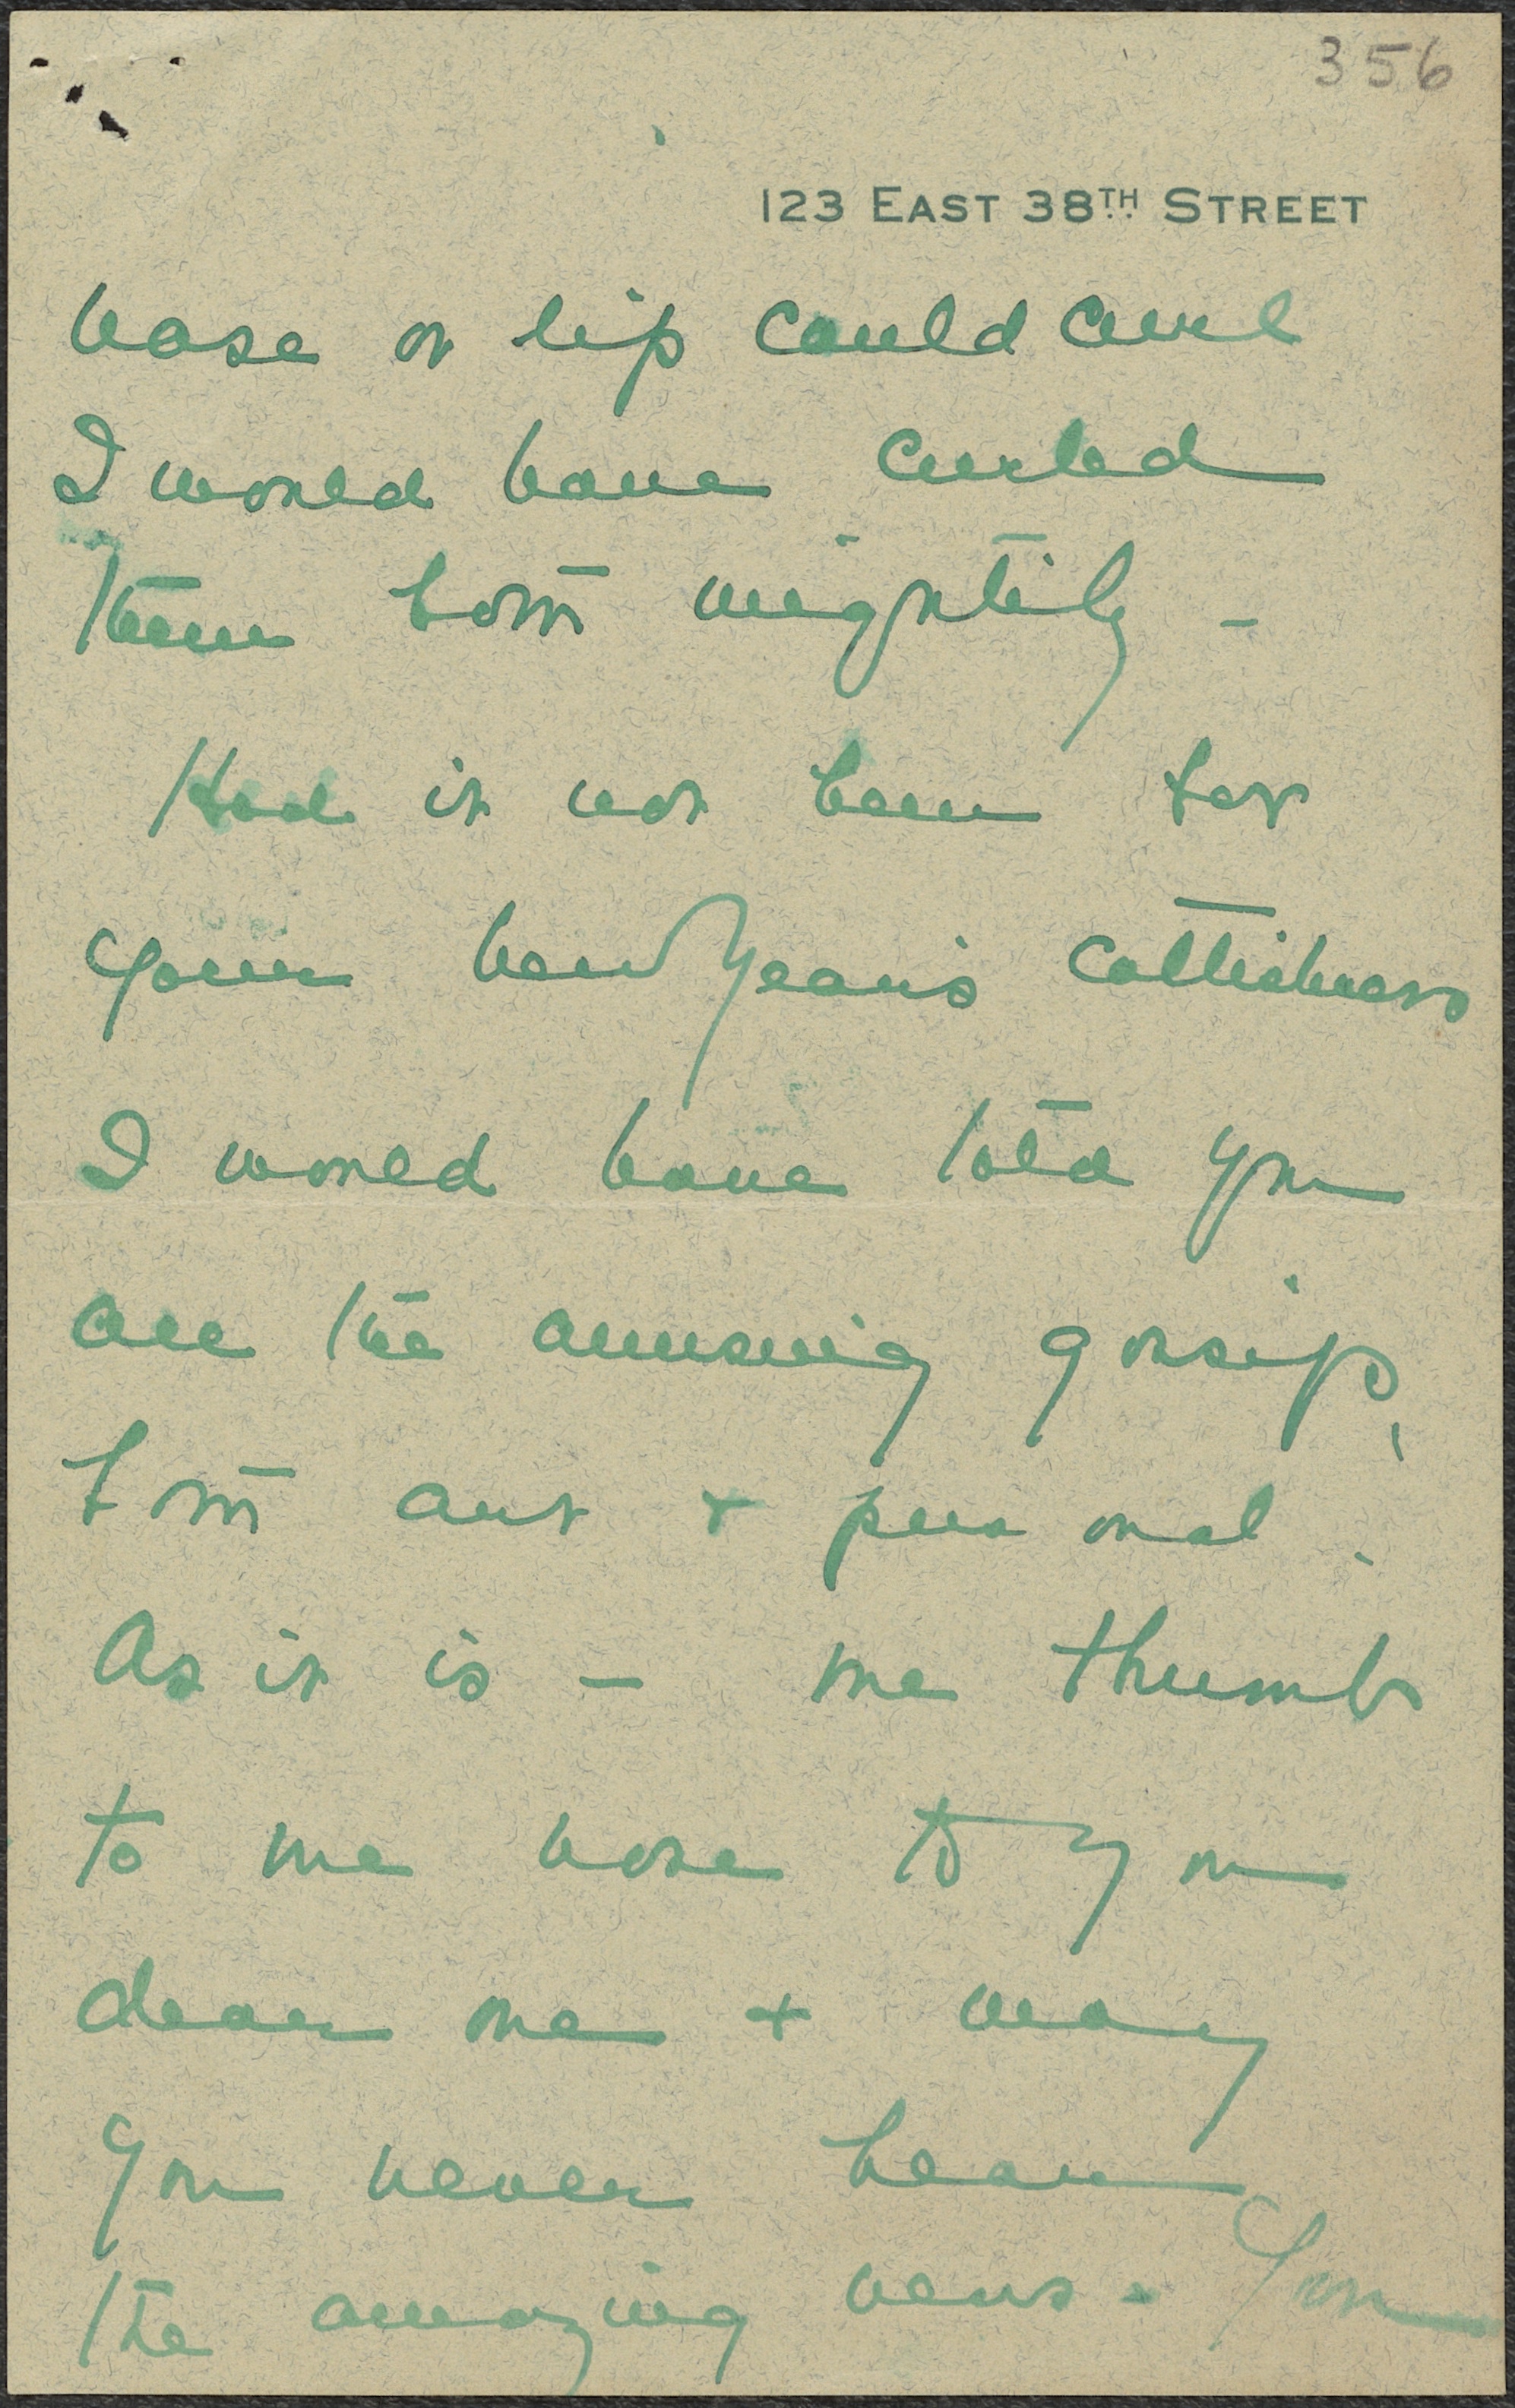nose or lip could curl I would have curled them both mightily –
Had it not been for your New Year’s cattishness I would have told you all the amusing gossip both art & personal! As it is – me thumb to me nose to you dear one & may you never hear the amazing news – You